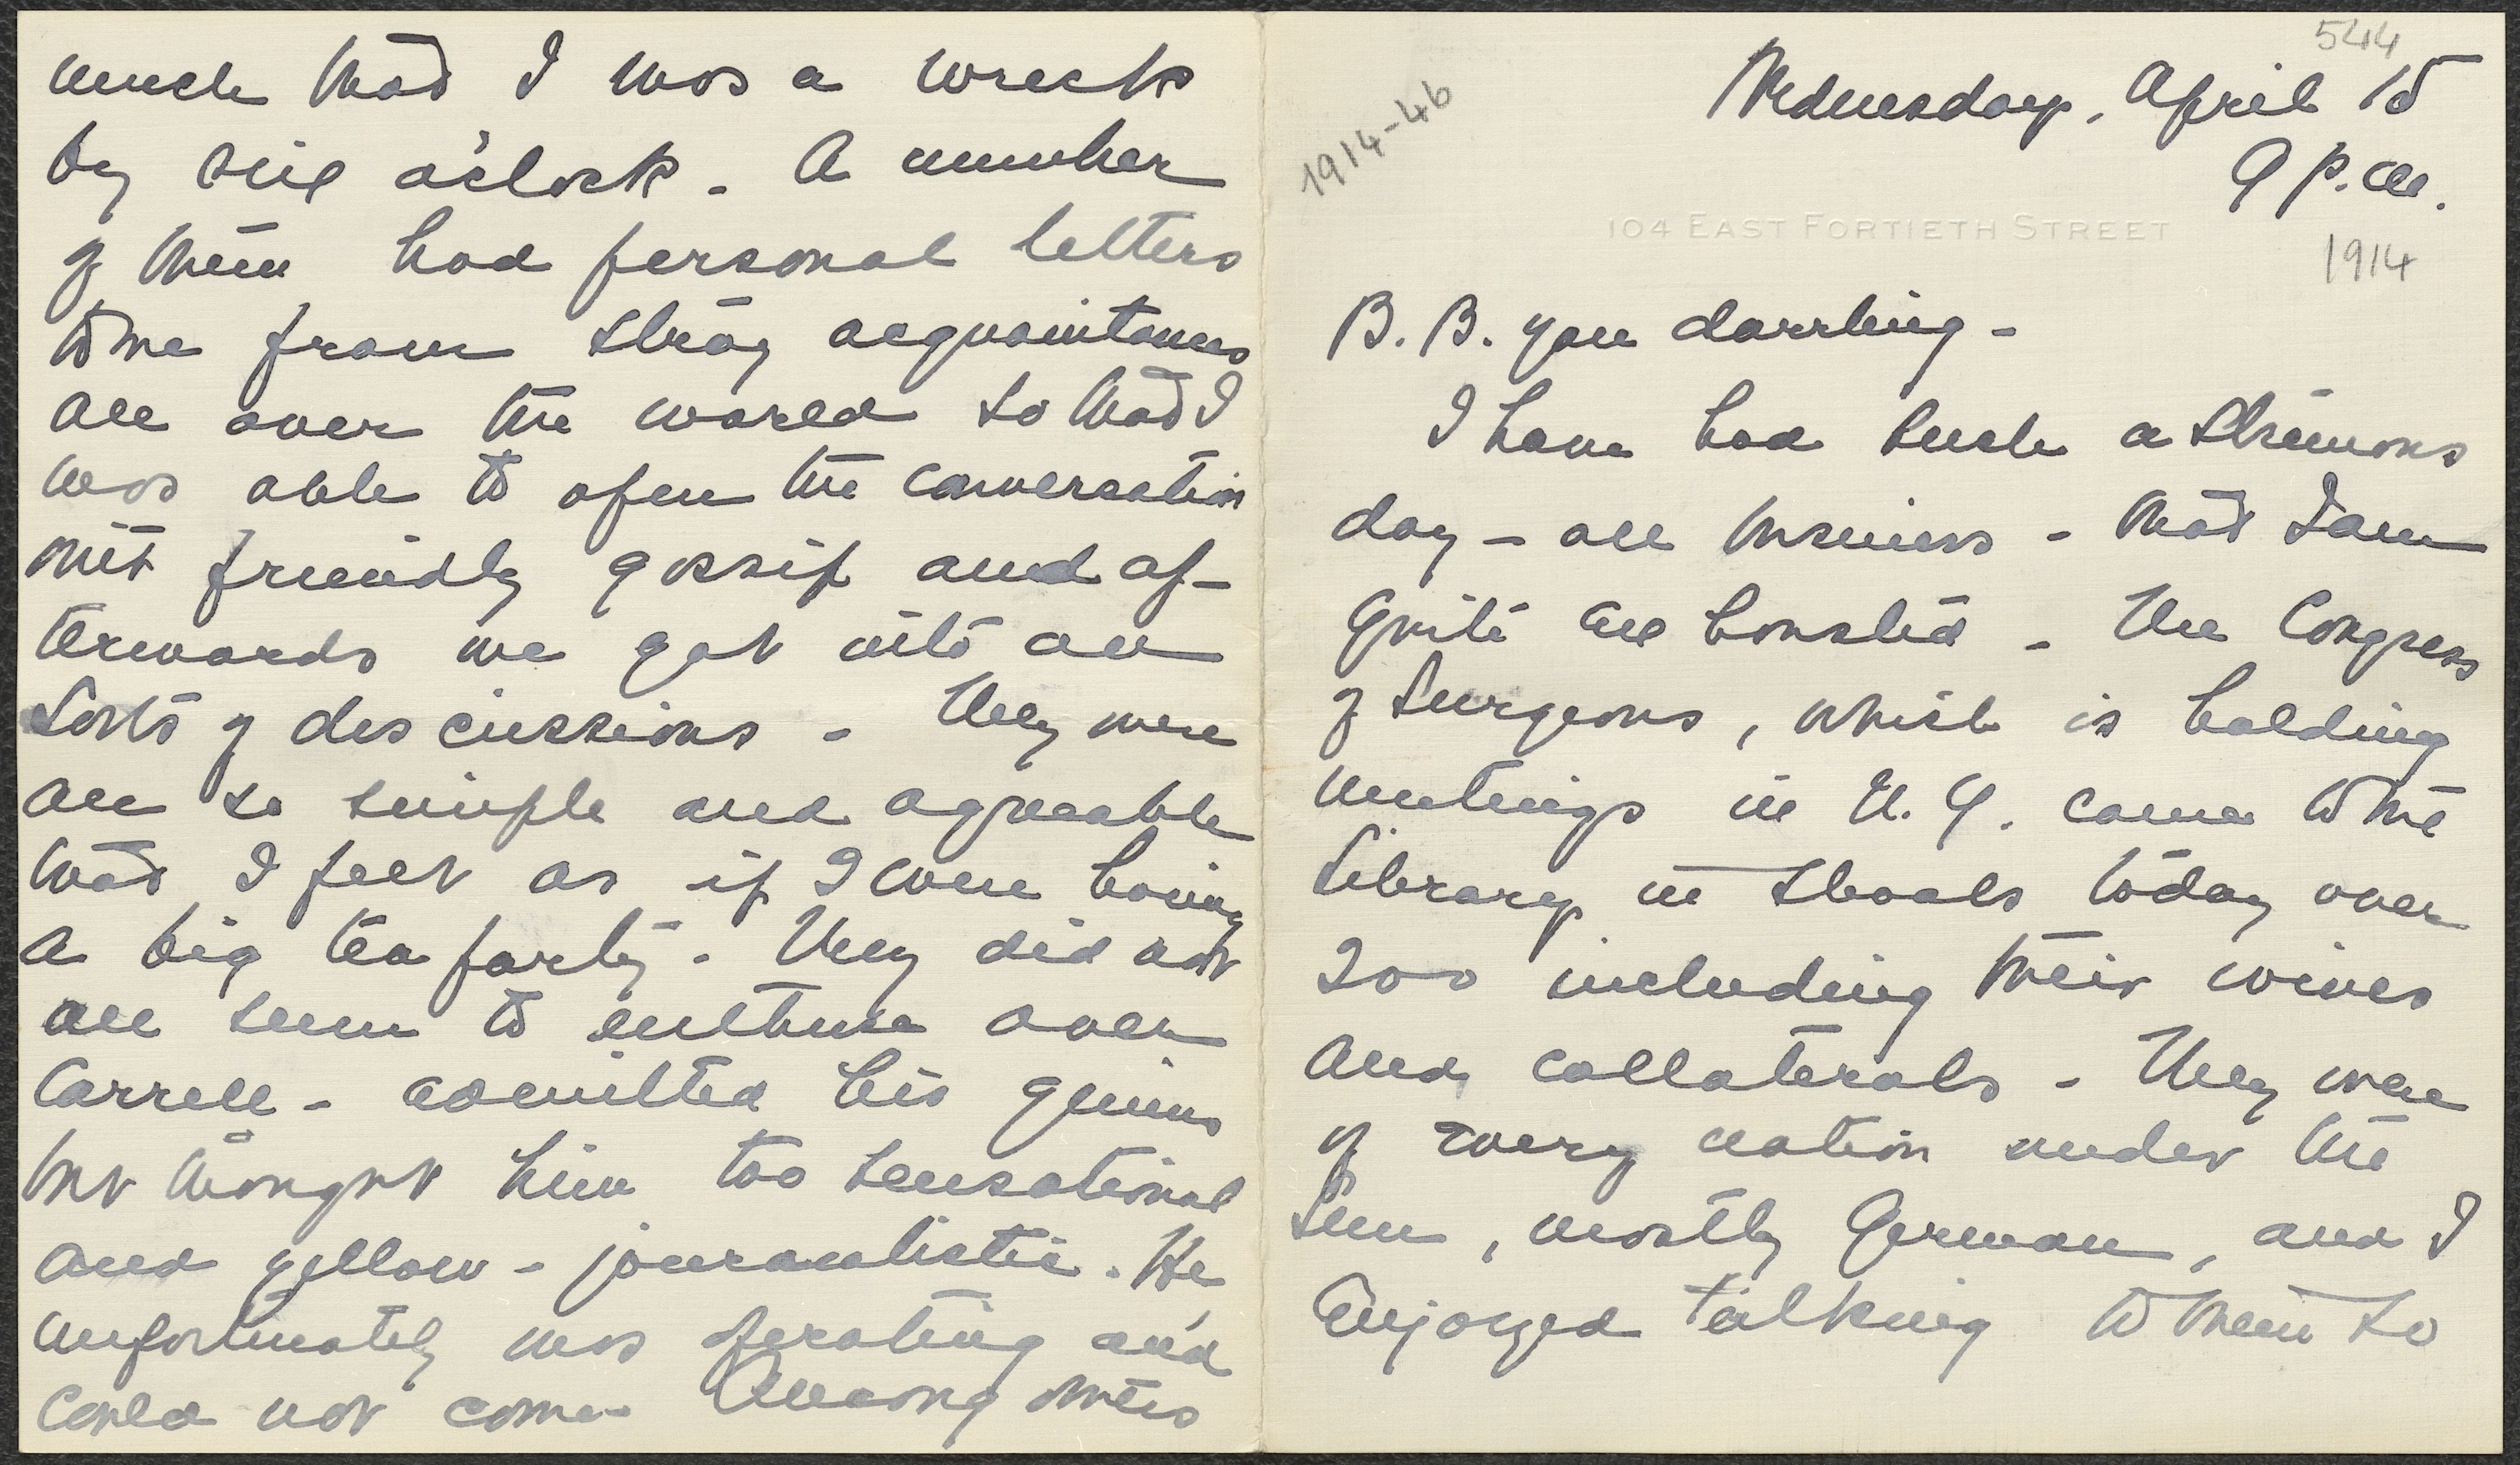Thursday, April 15
9 p.m.
B.B. you darrling –
I have had such a strenuous day – all business – that I am quite exhausted – The Congress of Surgeons, which is holding meetings in N.Y. came to the Library in shoals today over 200 including their wives and collaterals – They were of every nation under the sun, mostly German, and I enjoyed talking to them so
much that I was a wreck by one o’clock – A number of them had personal letters to me from stray acquaintances all over the world so that I was able to open the conversation with friendly gossip and afterwards we got into all sorts of discussions – They were all so simple and agreeable that I feel as if I were having a big tea party – They did not all seem to enthuse over Carrell [sic] – admitted his genius but thought him too sensational and yellow-journalistic – He, unfortunately was operating and could not come – Among others